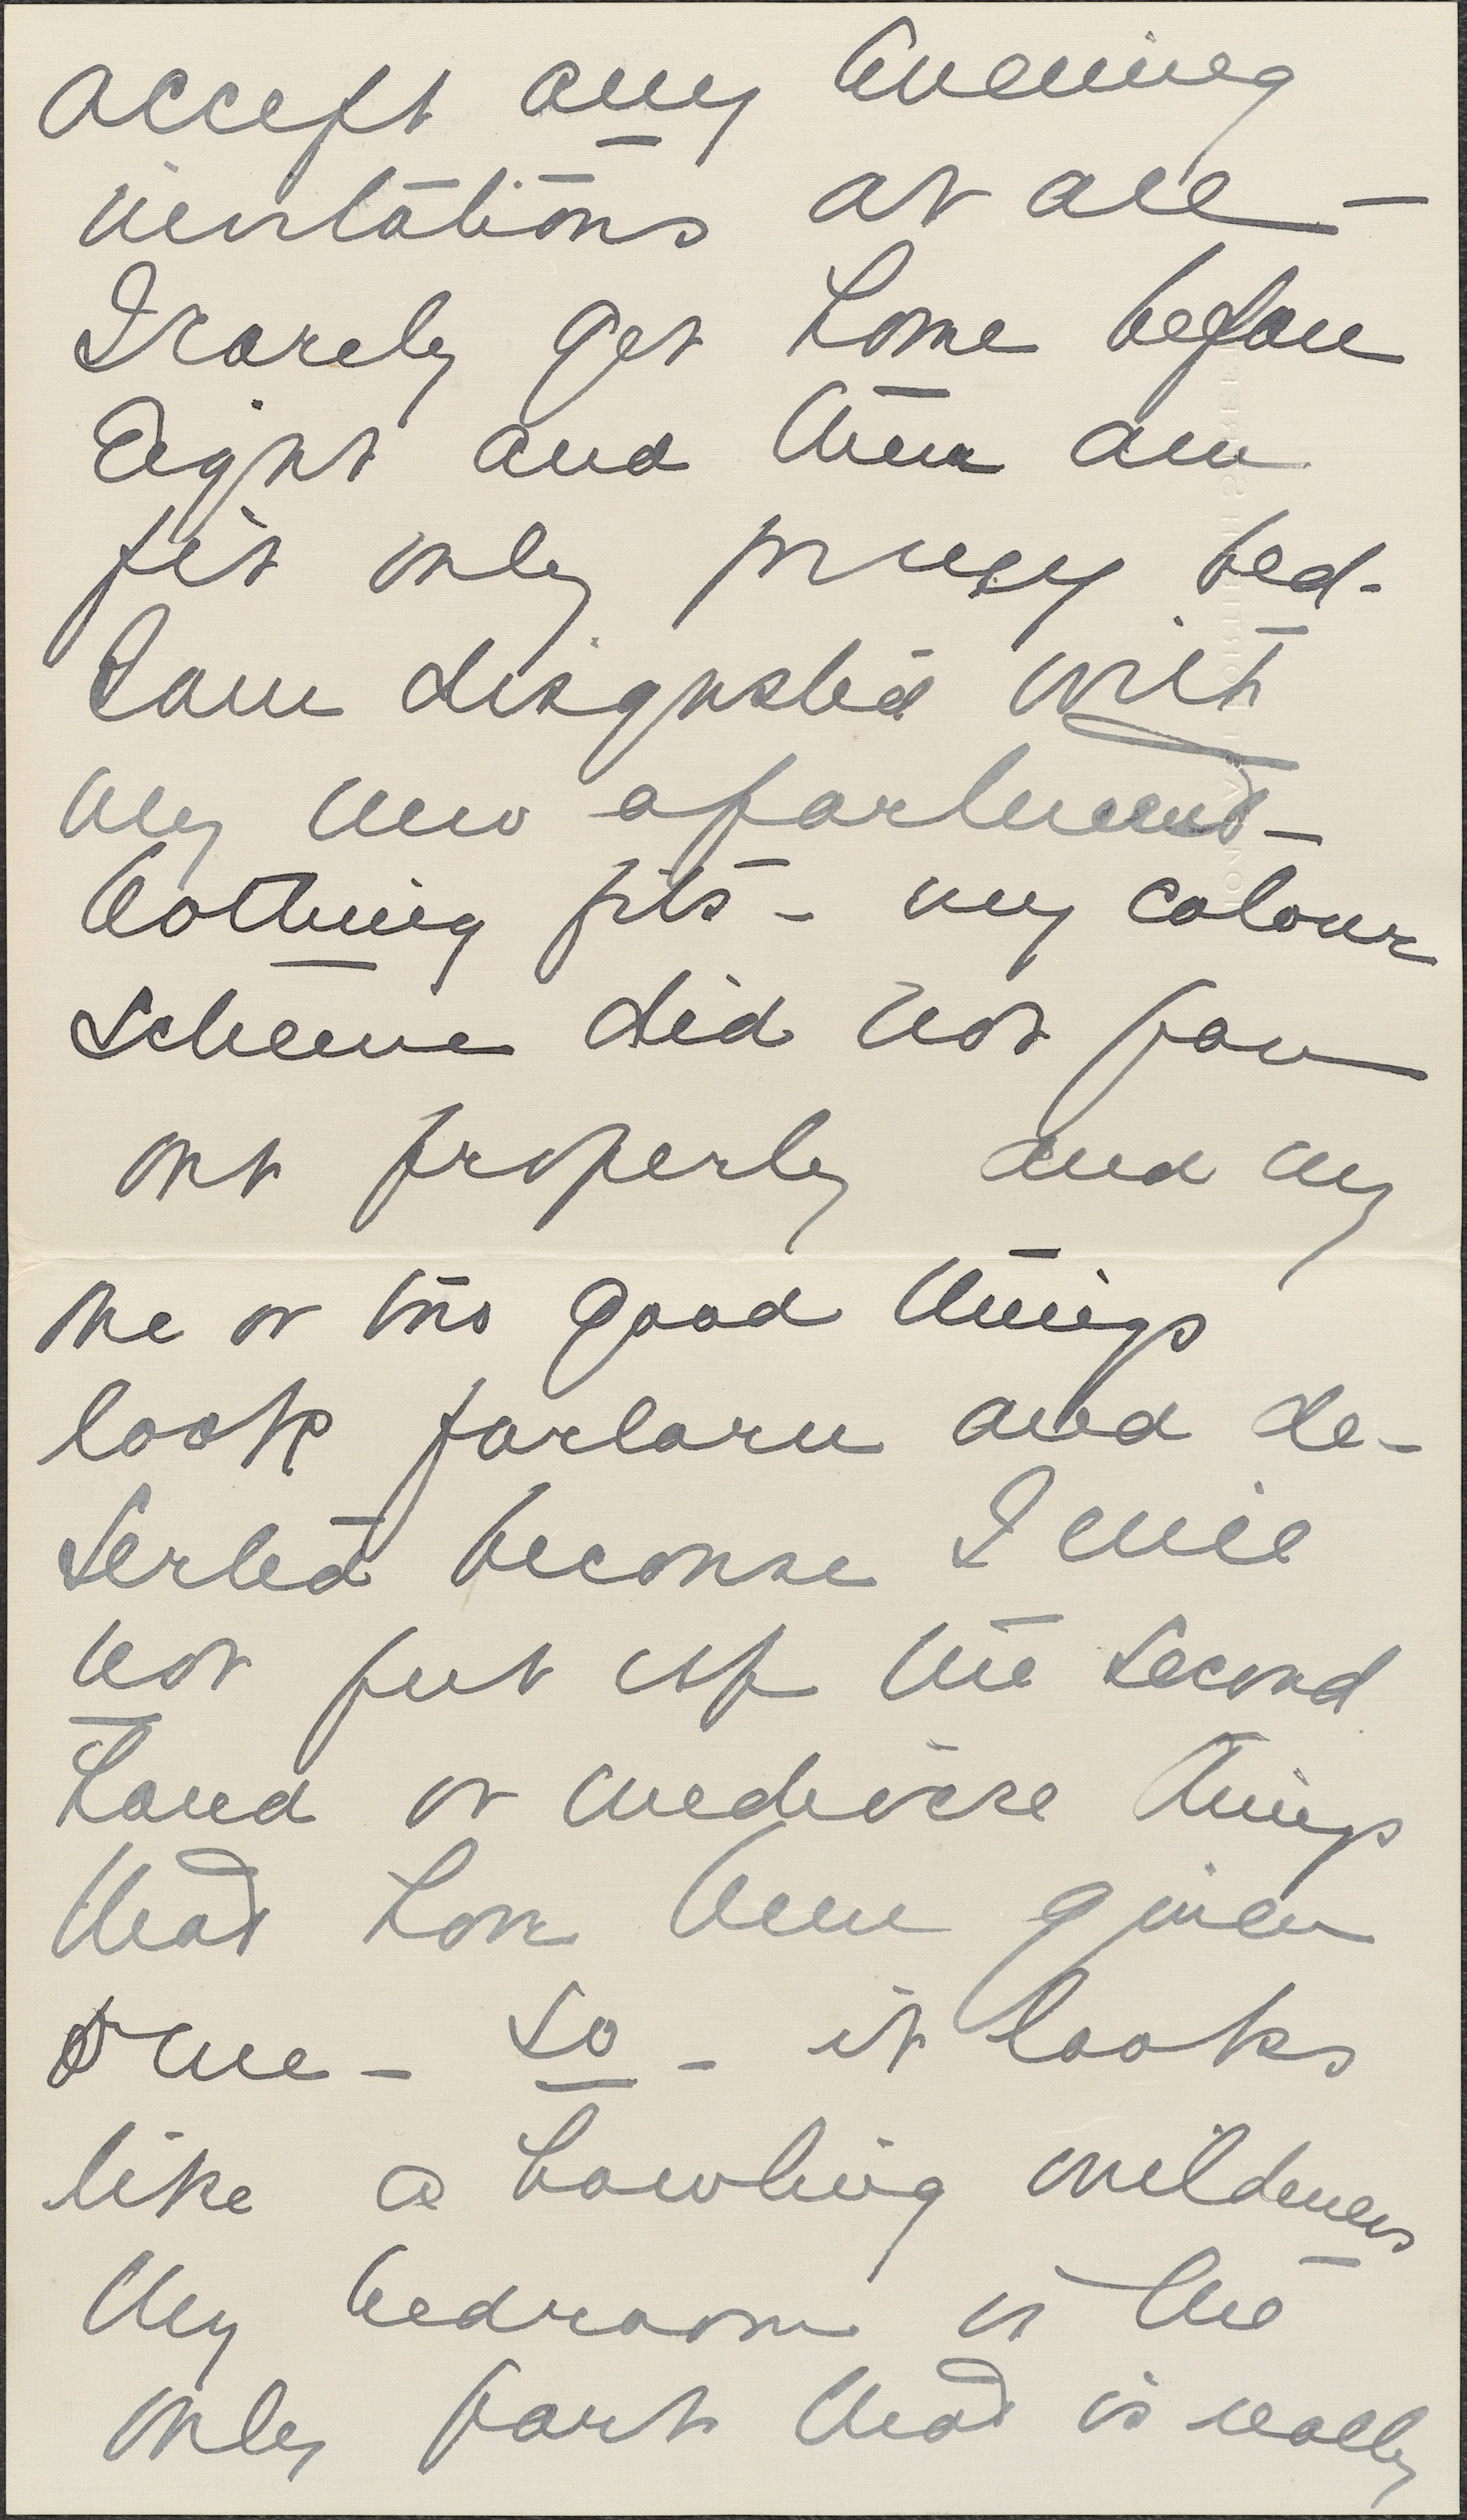accept any evening invitations at all – I rarely get home before eight and then am fit only for my bed – I am disgusted with my new apartment – nothing fits – my colour scheme did not pan out properly and my one or two good things look forlorn and deserted because I will not put up the second hand or mediocre things that have been given to me – so – it looks like a howling wilderness my bedroom is the only part that is really